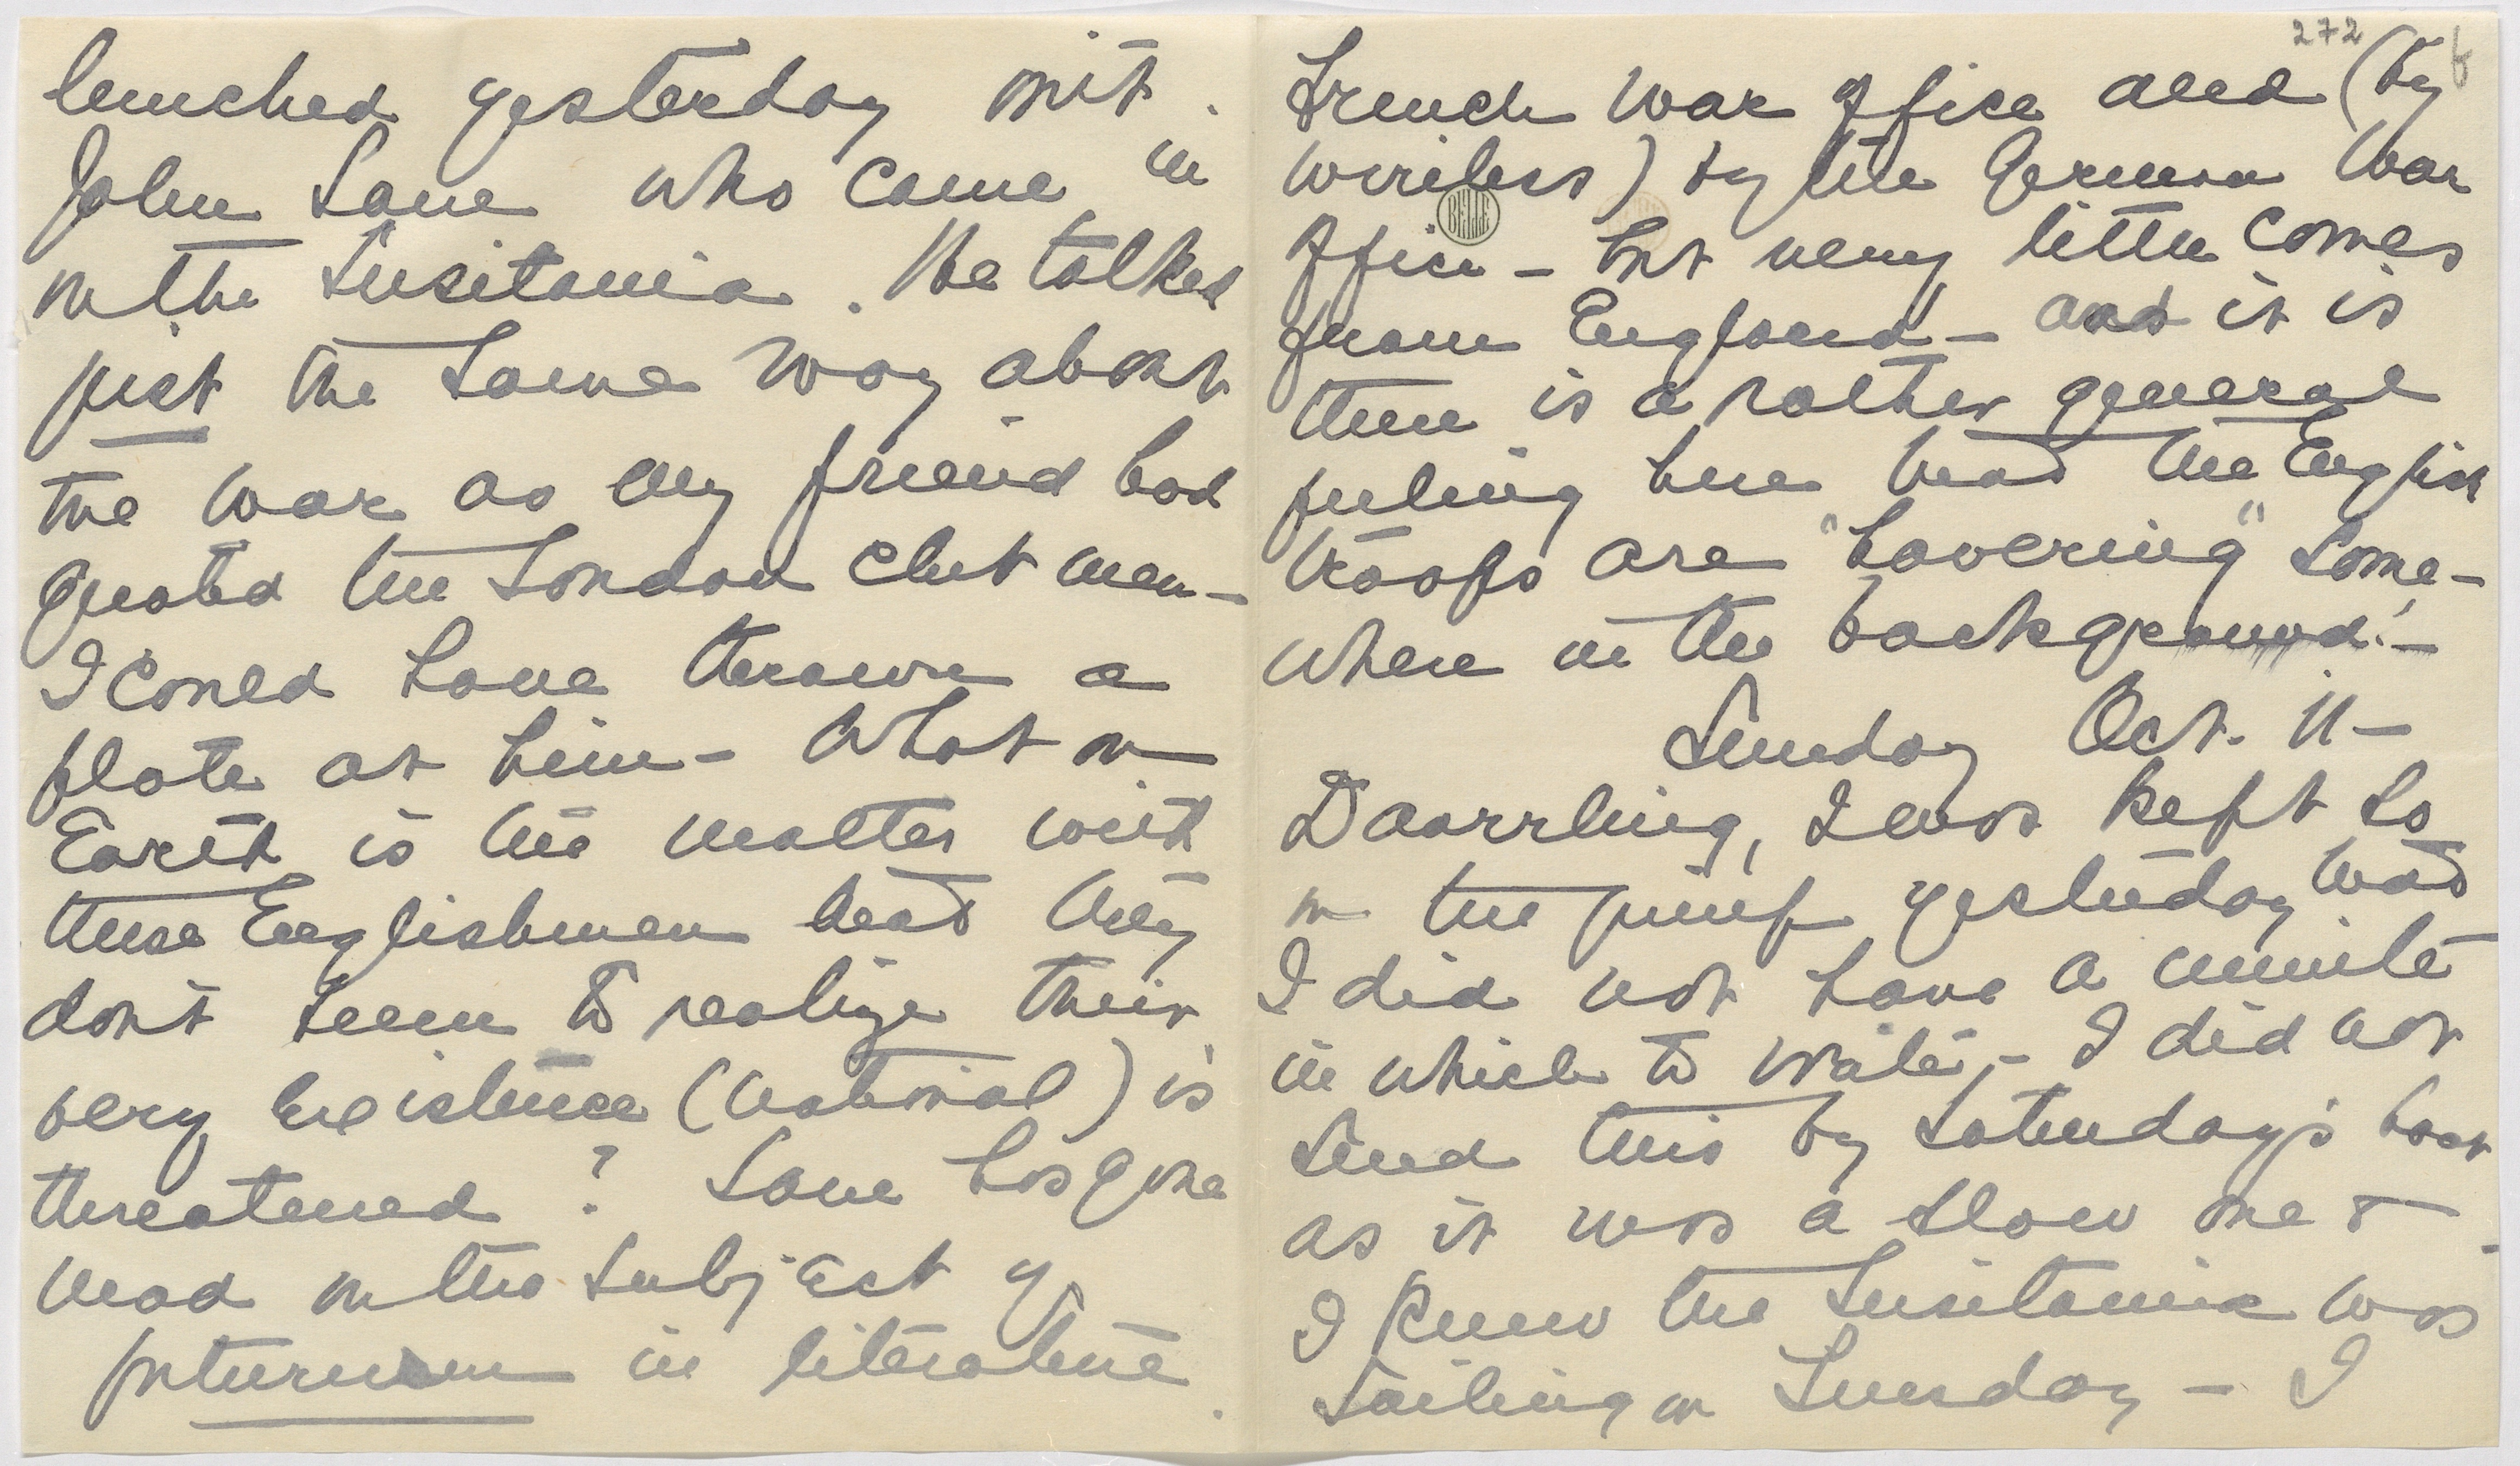French war office and (by wireless) by the German War office – but very little comes from England – and it is there is a rather general feeling here that the English troops are “hovering” somewhere in the background –
Sunday Oct. 11 –
Daarrling, I was kept so on the jump yesterday that I did not have a minute in which to write – I did not send this by Saturday’s boat as it was a slow one & I knew the Lusitania was sailing on Sunday – I
lunched yesterday with John Lane who came in on the Lusitania. He talked just the same way about the war as my friend had quoted the London club men – I could have thrown a plate at him – What on Earth is the matter with these Englishmen that they don’t seem to realize their very existence (national) is threatened? Lane has gone mad on the subject of futurism in literature.